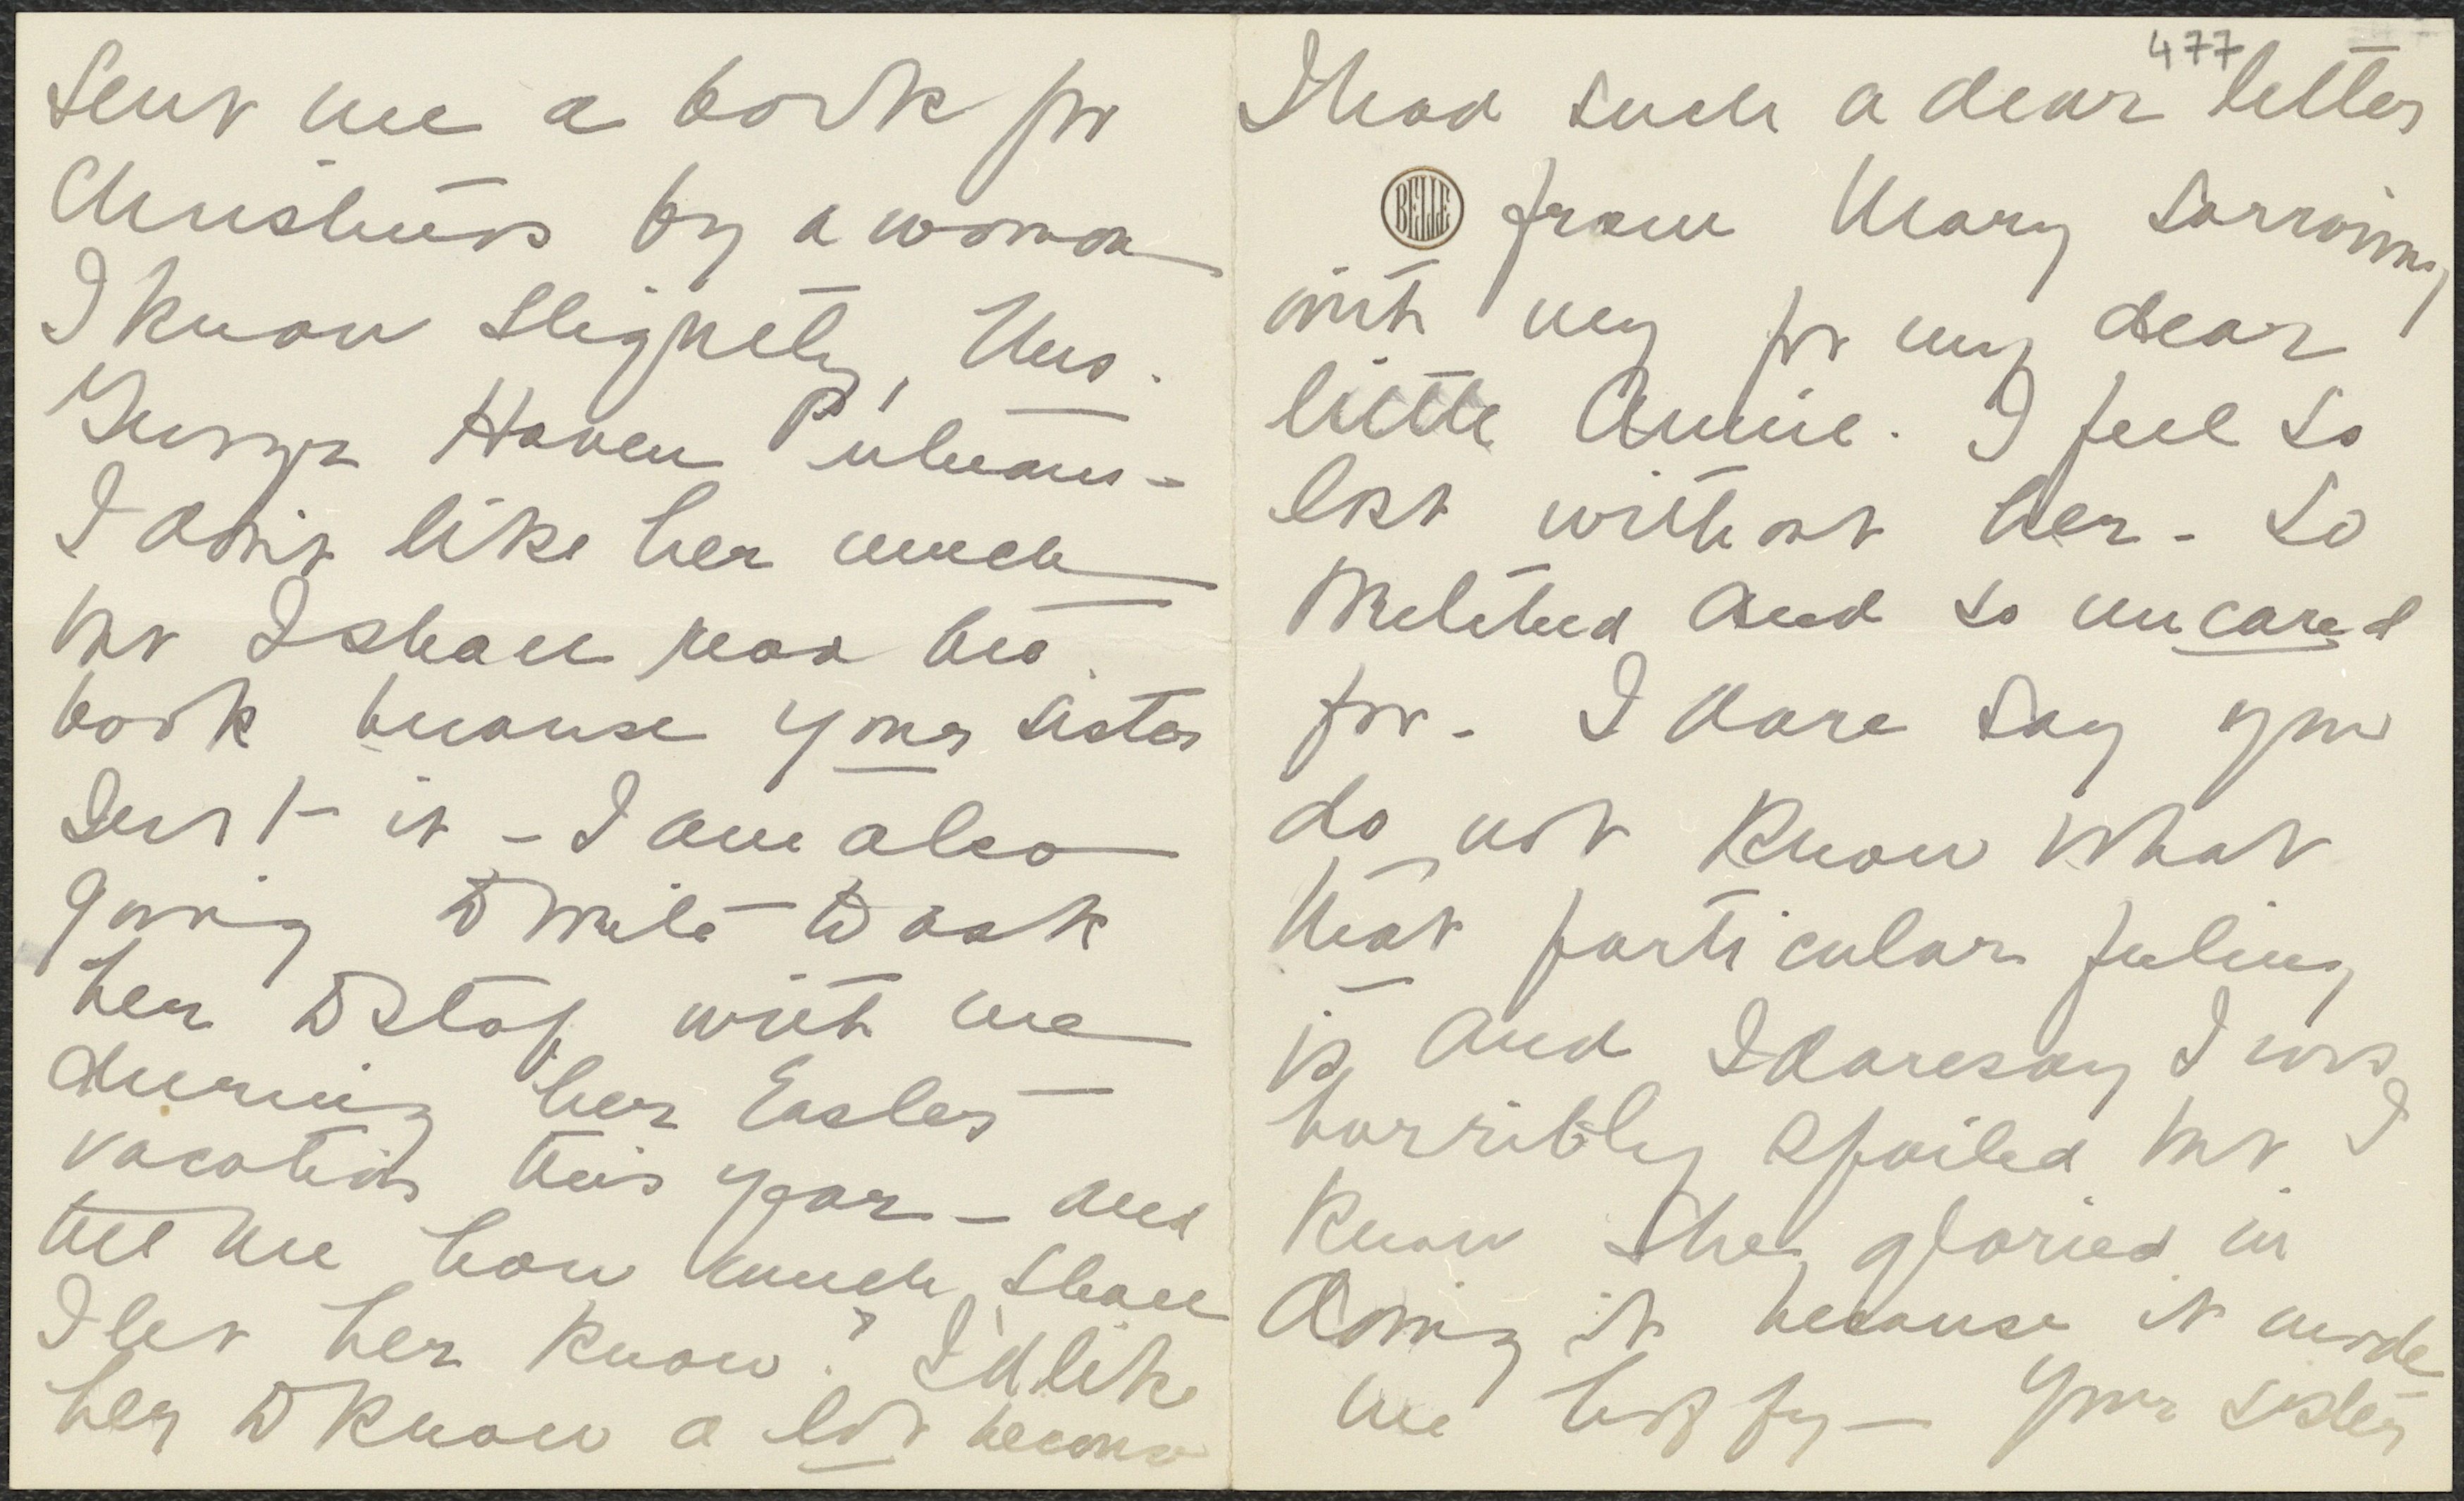I had such a dear letter from Mary sorrowing with my [sic] for my dear little Annie. I feel so lost without her – so wretched and so uncared for – I dare say you do not know what that particular feeling is and I daresay I was horribly spoiled but know she gloried in doing it because it made me happy – Your sister
sent me a book for Christmas by a woman I know slightly, Mrs. George Haven Putnam – I don’t like her much but I shall read the book because your sister sent it – I am also going to write to ask her to stop with me during her Easter vacation this year – and tell me how much shall I let her know? I’d like her to know a lot because